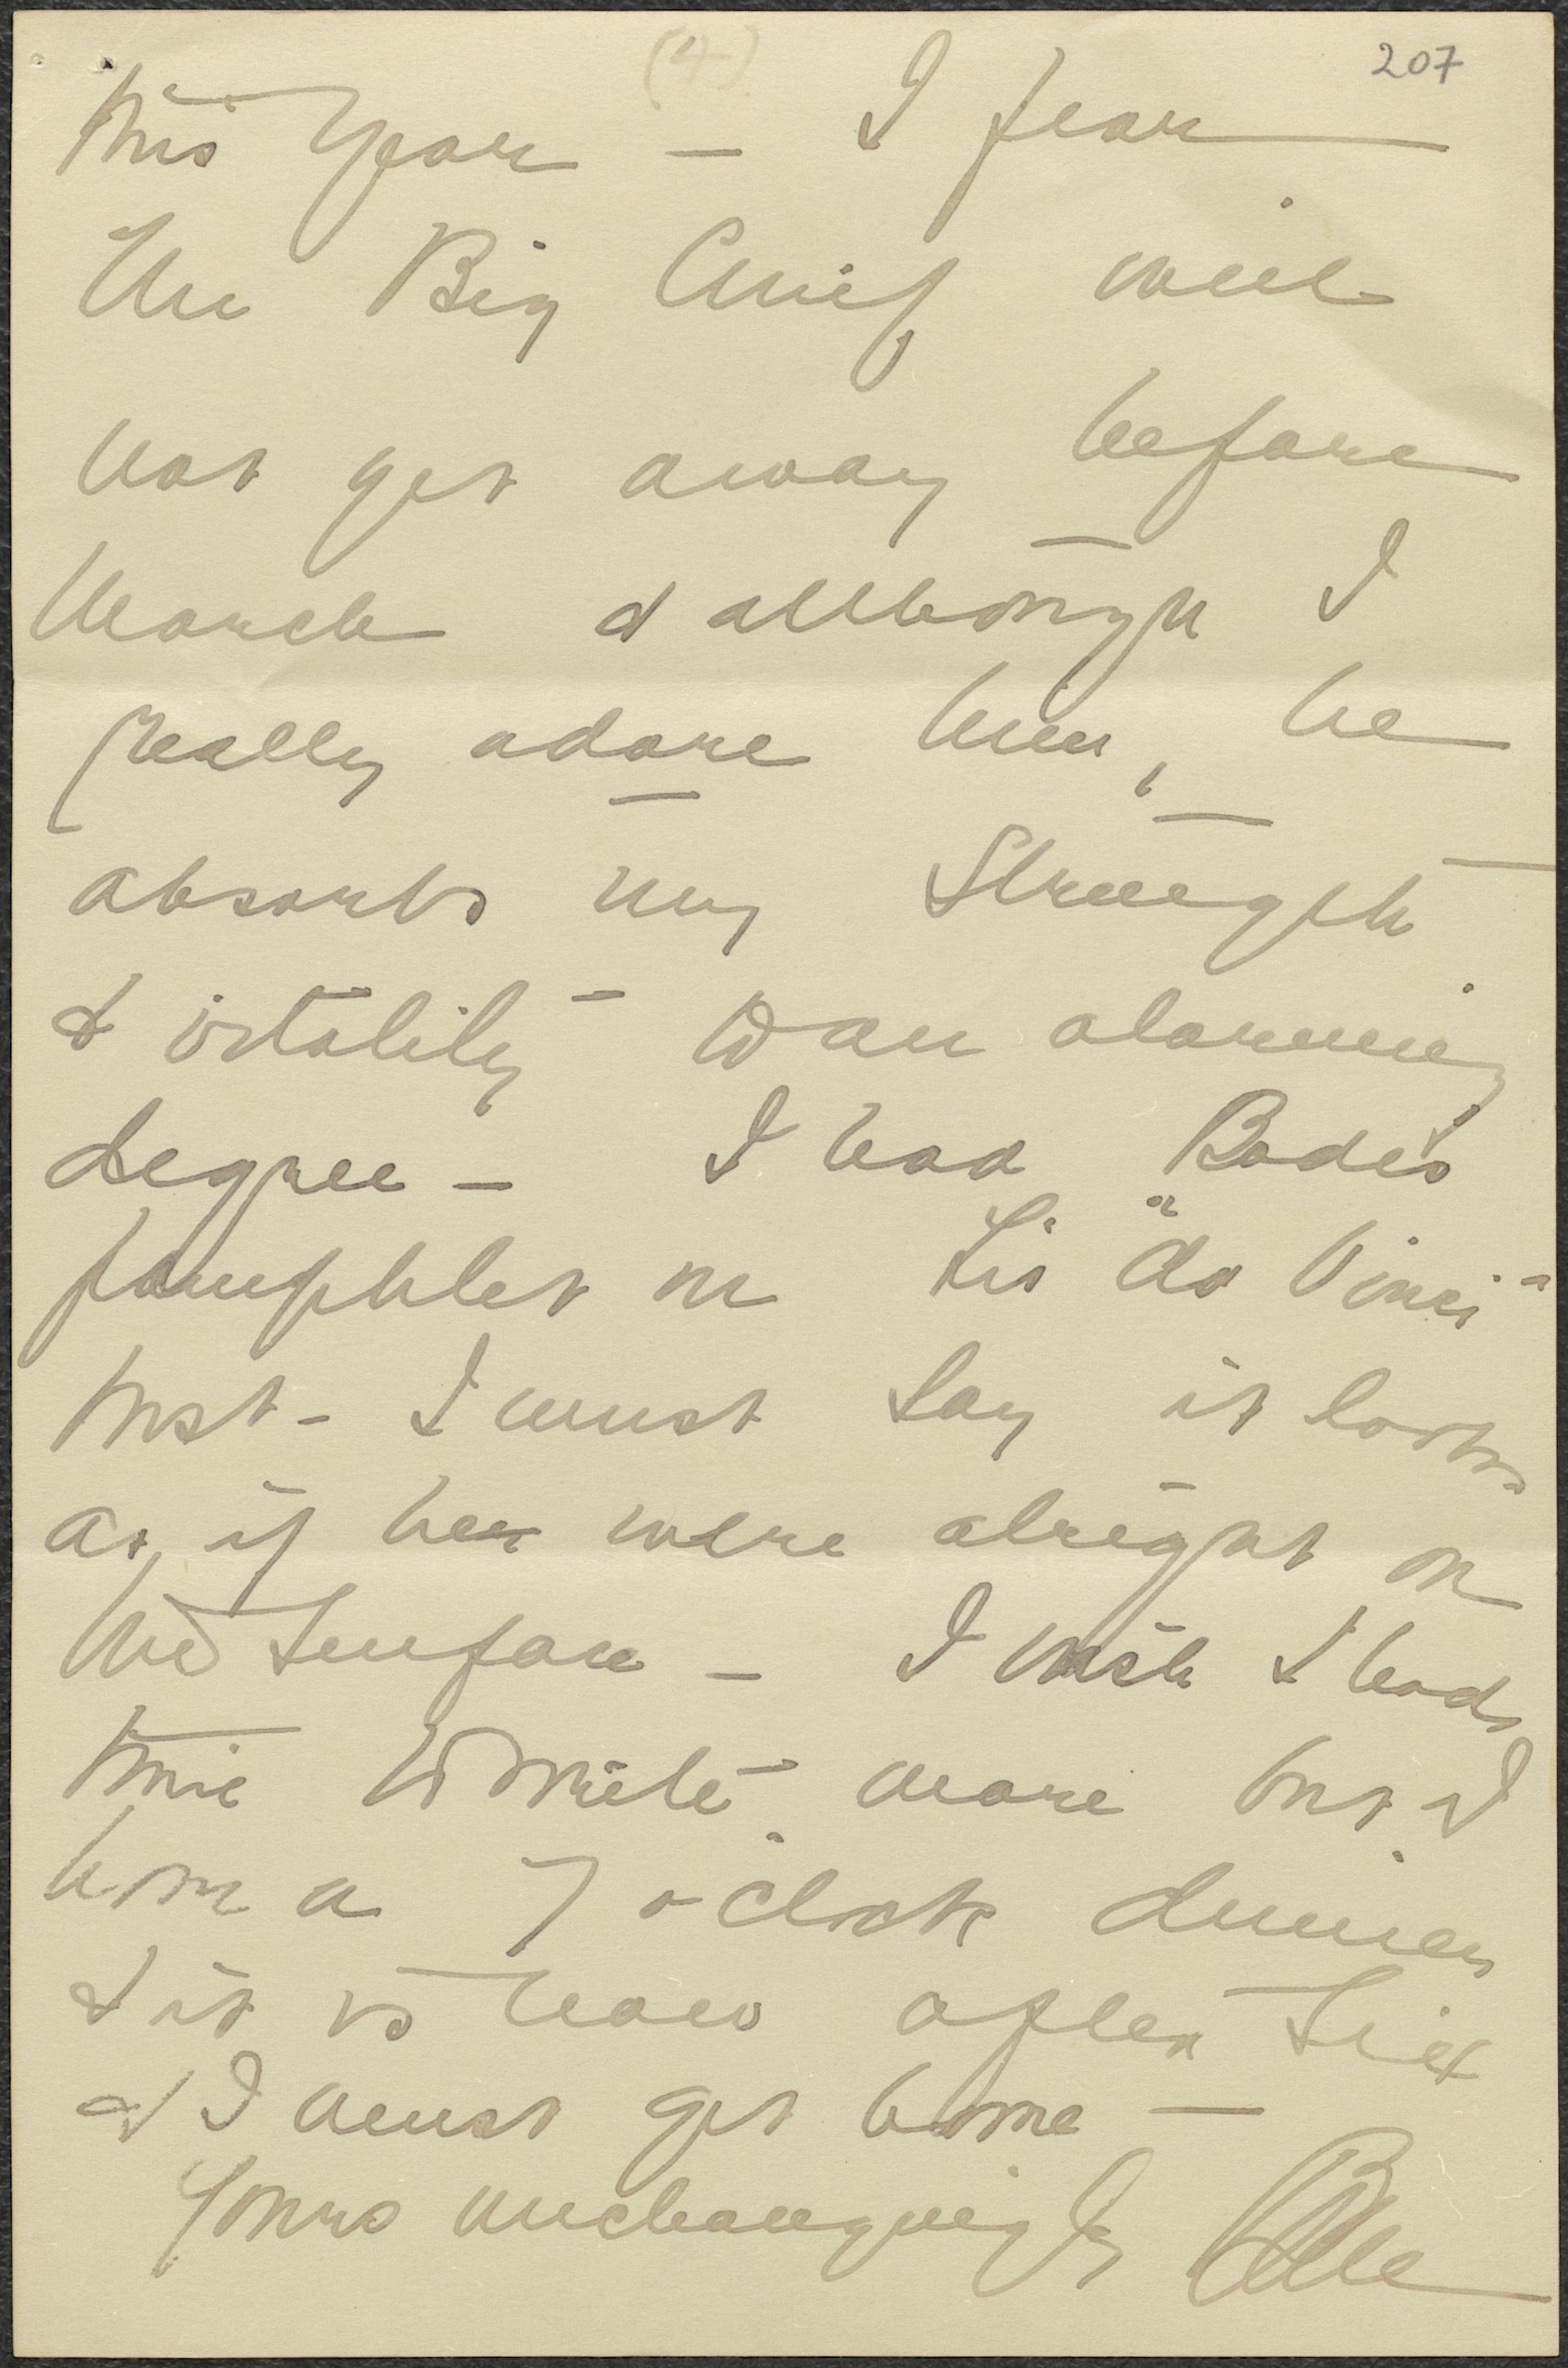(4)
this year – I fear the Big Chief will not get away before March & although I really adore him, he absorbs my strength & vitality to an alarming degree – I had Bode’s pamphlet on his “da Vinci” bust – I must say it looks as if he were alright on the surface – I wish I had time to write more but I have a 7 o’clock dinner & it is now after six & I must get home –
Yours unchangingly
Belle